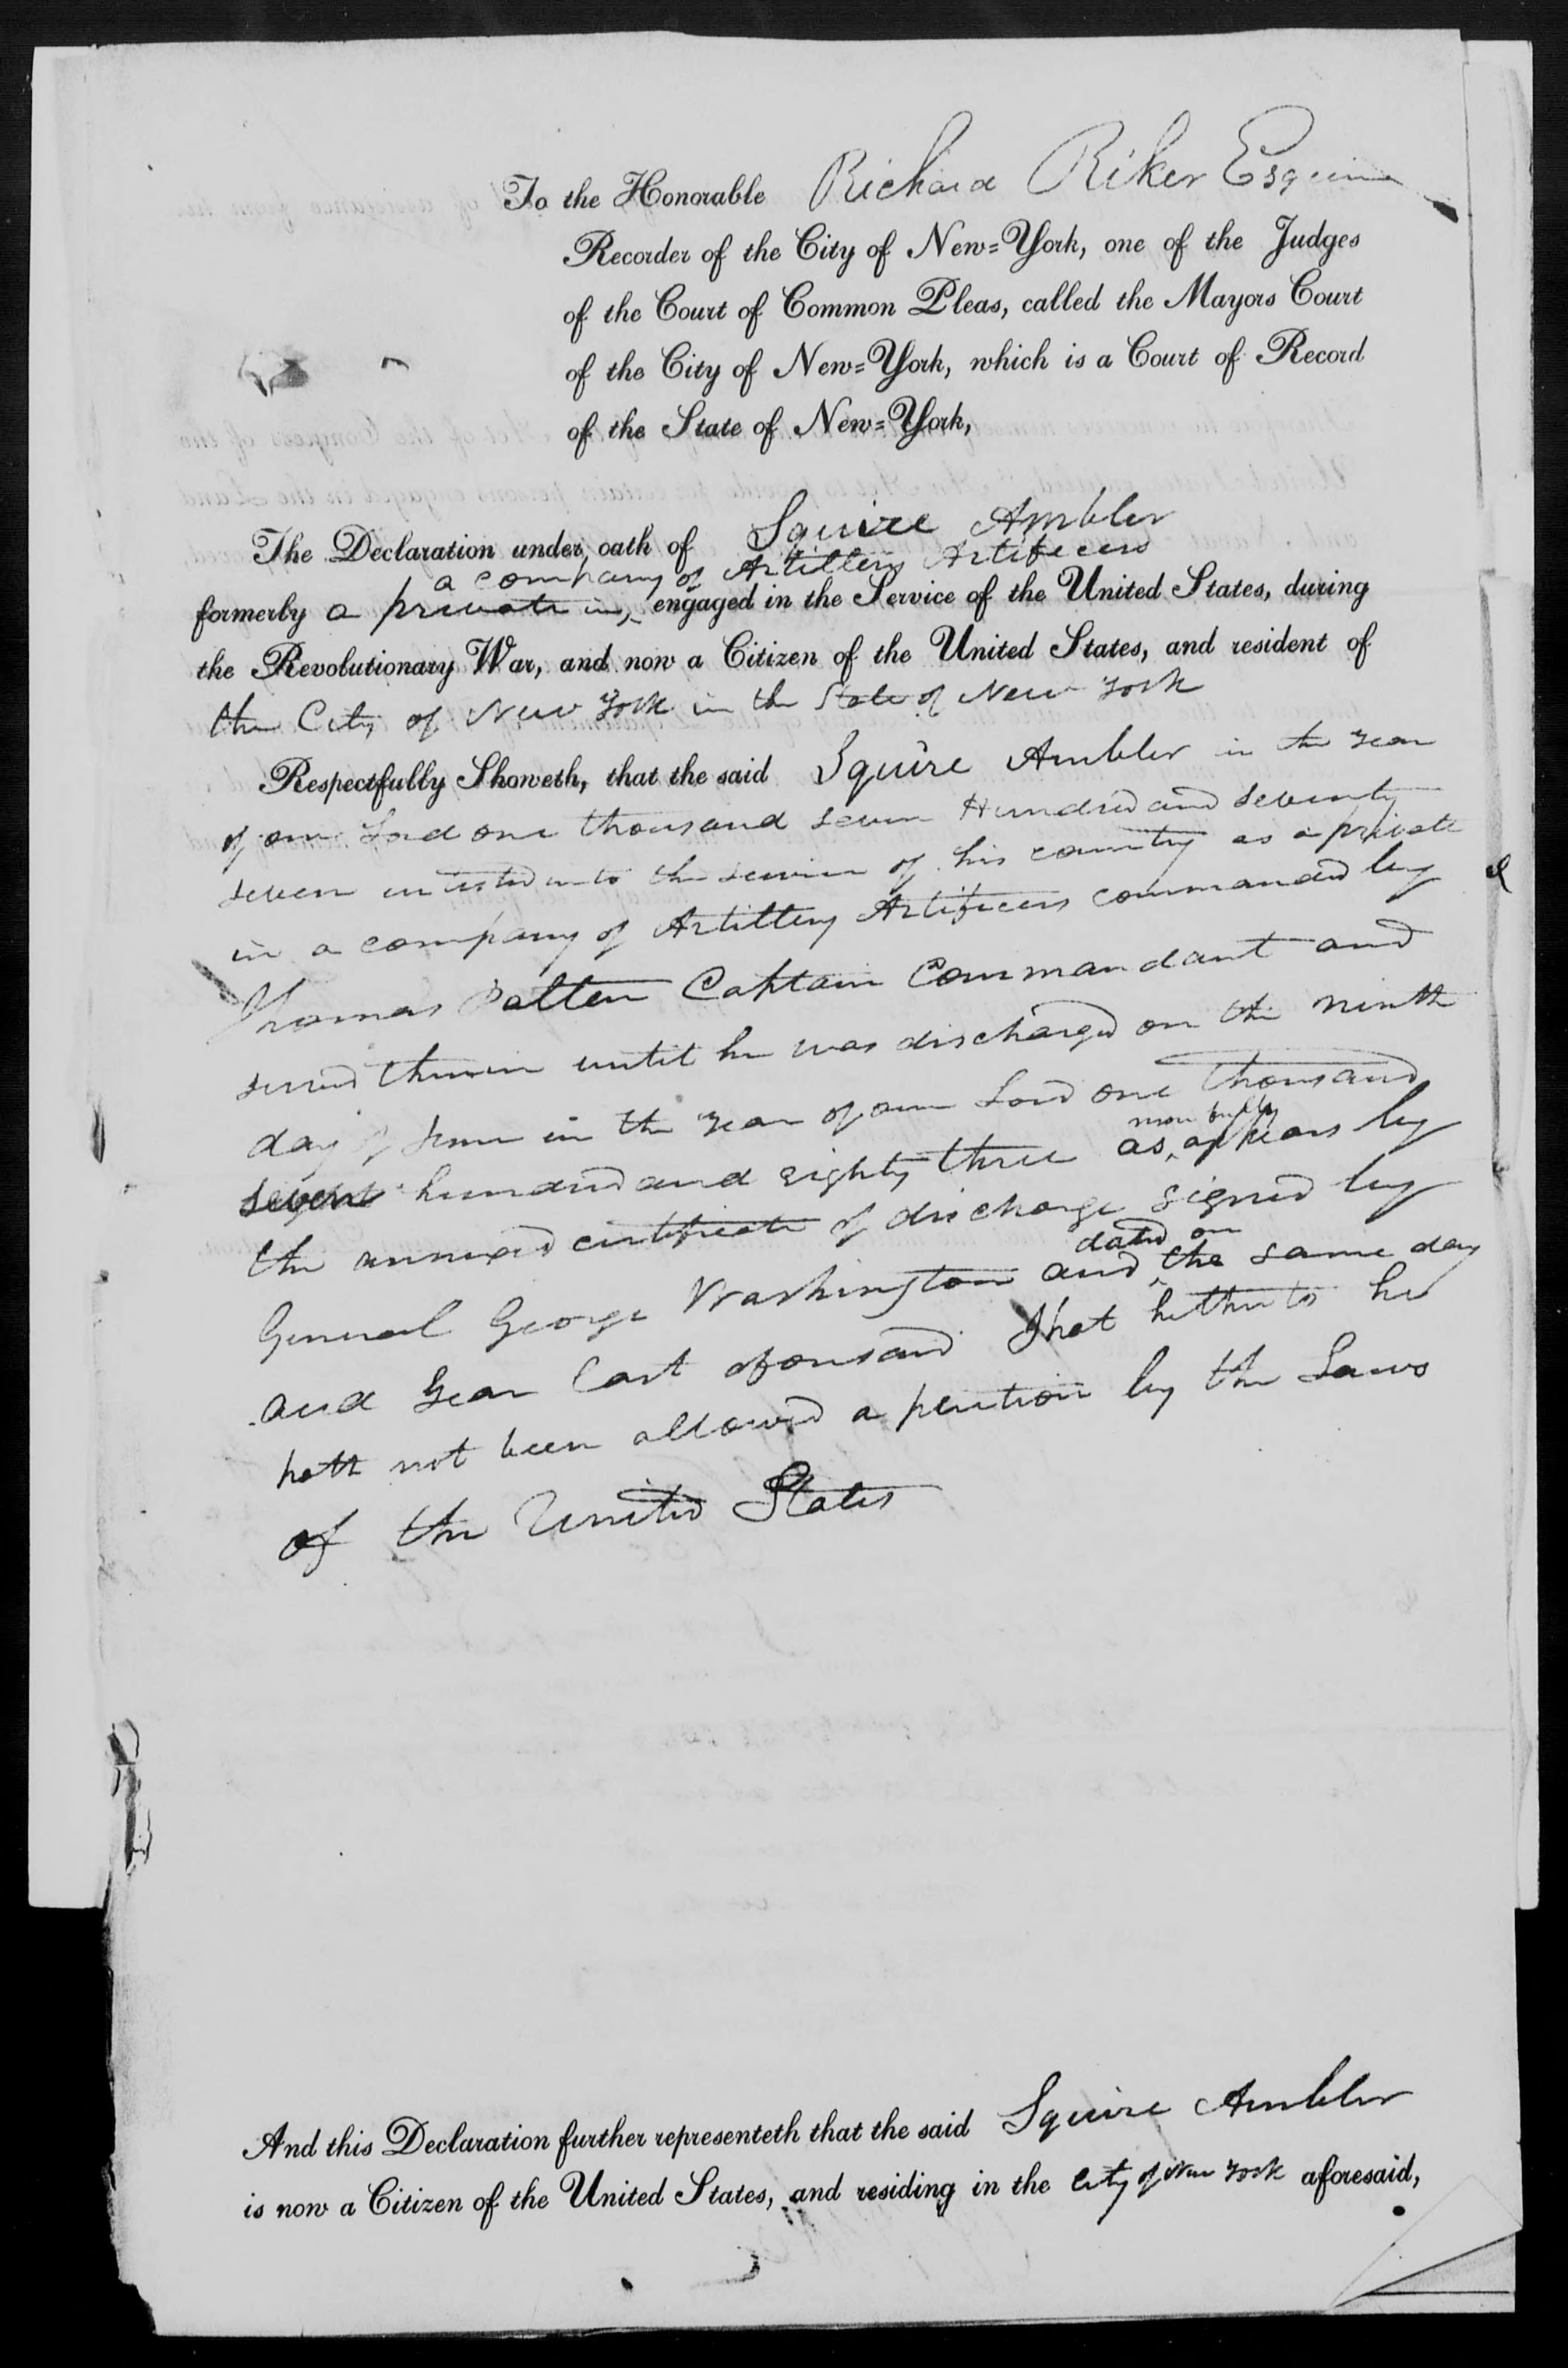To the Honorable Richard Riker Esquire
Recorder of the City of New York, one of the Judges
of the Court of Common Pleas, called the Mayors Court
of the City of New York, which is a Court of Record
of the State of New York,
The Declaration under oath of Squire Ambler formerly a private in a company of Artillery Artificers engaged in the Service of the United States, during the Revolutionary War, and now a Citizen of the United States, and resident of the City of New York in the State of New York
Respectfully Showeth that the said Squire Ambler in the  year of our Lord on thousand seven hundred and seventy seven enlisted into the service of his country as a private in a company of Artillery Artificers commanded by Thomas Pattens Captain Commandant and was there until he was discharged on the ninth day of June in the year of our Lord one thousand seven hundred and eighty three as now fully  appears by the annexed certificate of discharge signed by General George Washington and dated on the same day and year aforesaid. That hitherto he hath not been allowed a pension by the Laws of the United States.

And this Declaration further representeth that the said Squire Ambler is now a Citizen of the United States, and residing in the City of New York aforesaid,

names: Squire Ambler, Richard Riker, Squire Ambler, Thomas Patten, Squire Ambler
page: 11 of 39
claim: widow's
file: W. 2,056, Squire Ambler, Continental (Sol. Res. In N.Y. & Conn.)